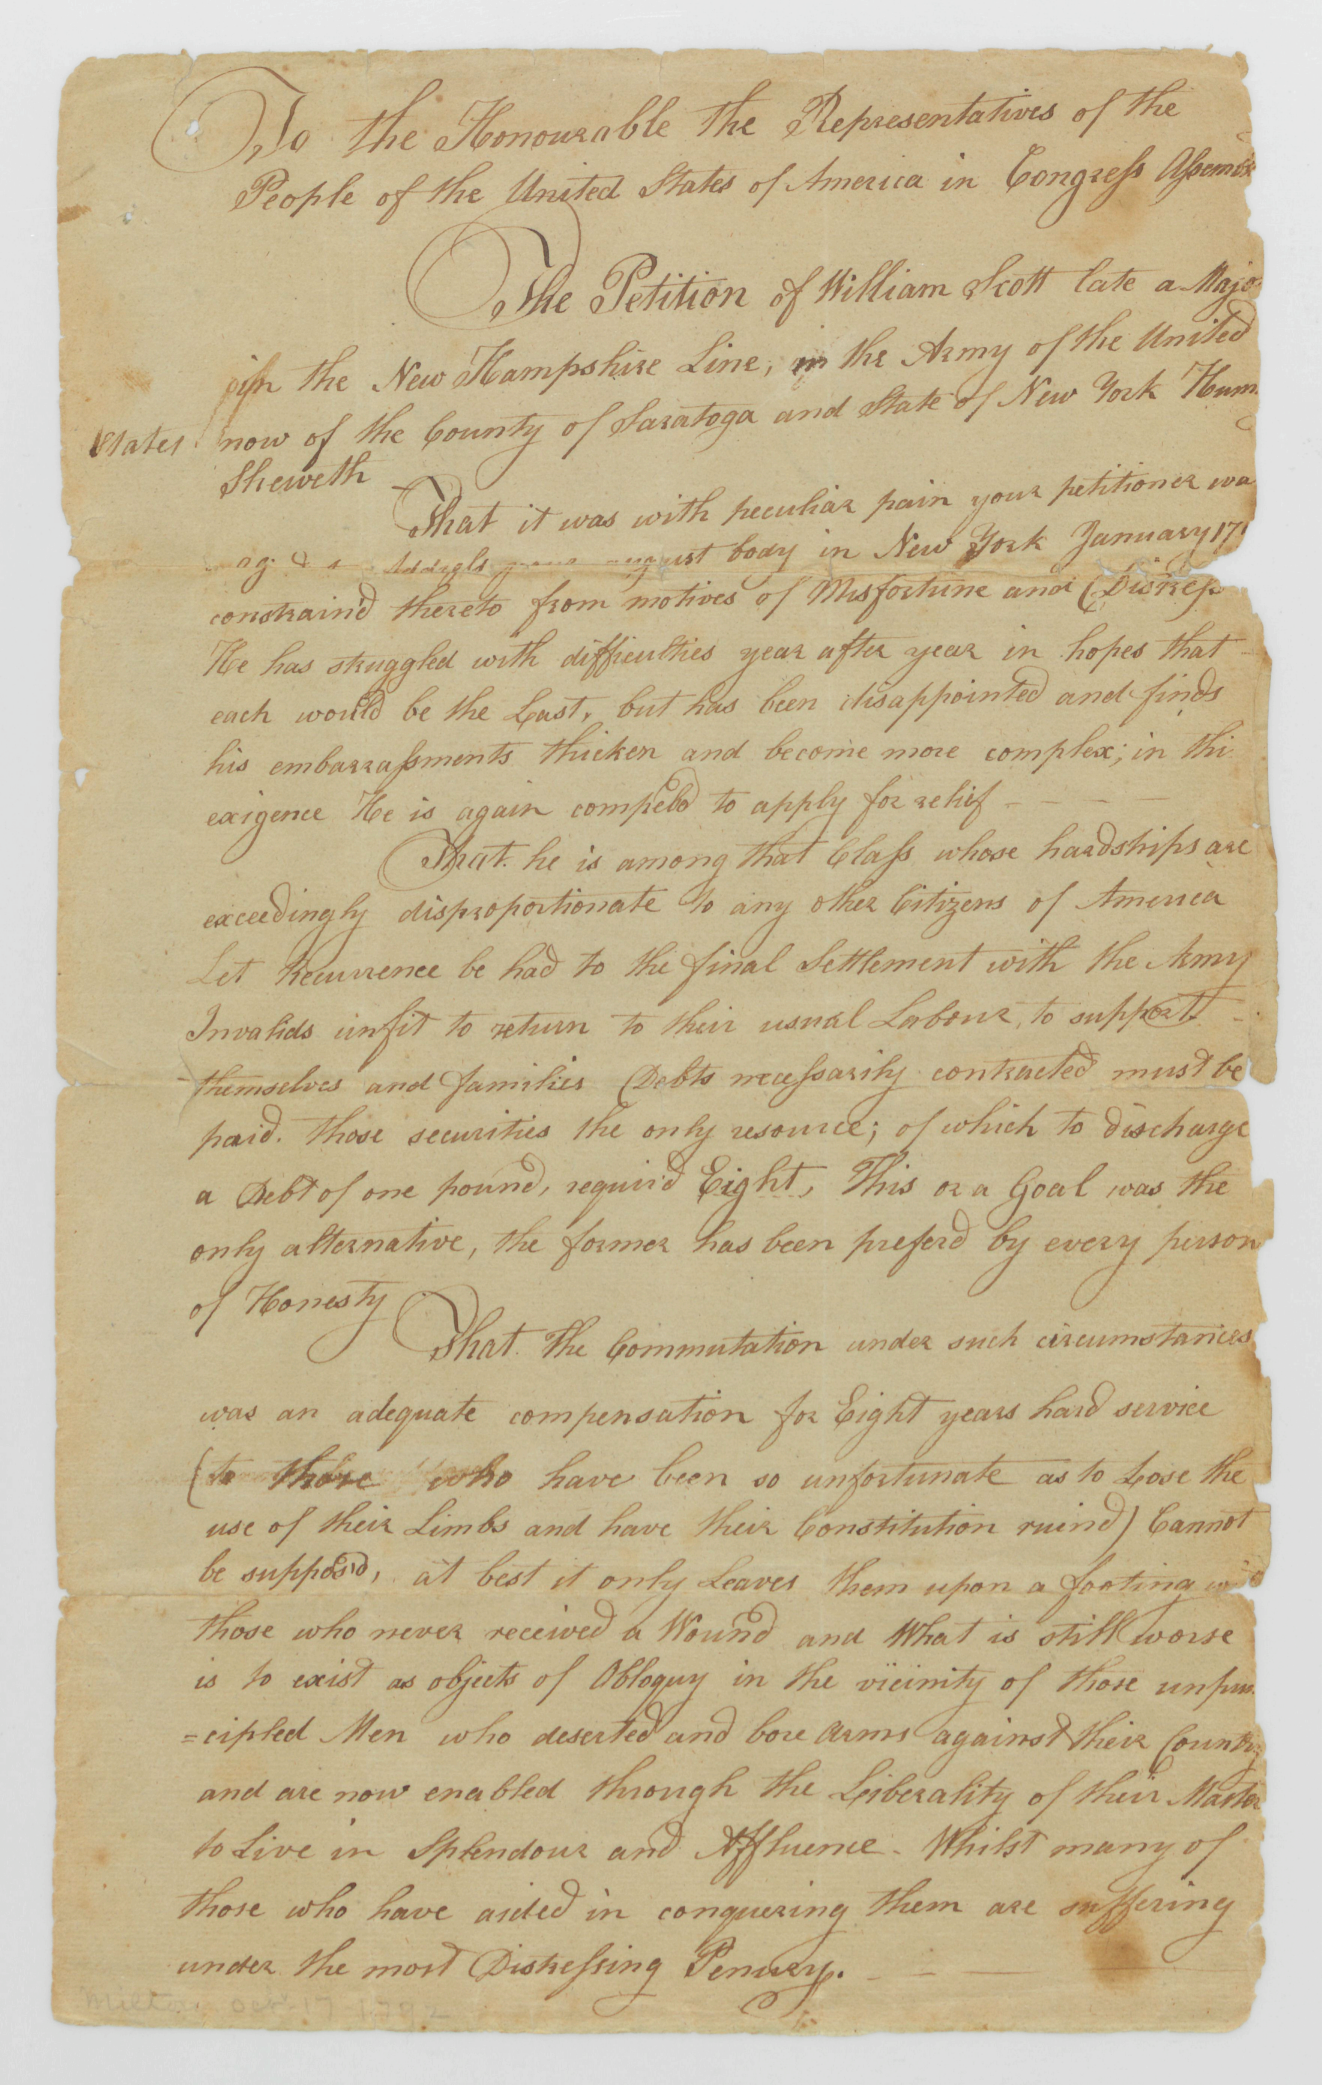To The Honourable the Representatives of the people of the United States of America in Congress Assembly

The Petition of William Scott late a Major in New Hampshire Line, in the Army of the United States, now of the County of Saratoga and State of New York (illegible word)
Sheweth 
That is was with peculiar pain your petitioner was (illegible words) request body in New York January 17_ (year cut off)
constrained thereto from motives of misfortune and distress
He has struggled with difficulties year after year in hopes that each would be the last, but has been disappointed and finds his embarrassments thicken and become more complex; in his exigence he is again compelled to apply for relief.
That he is among that class whose hardships are exceedingly disproportionate to any other Citizens of America
Let recurrence be had to the final Settlement with the Army Invalids unfit to return to their usual labor, to support 
themselves and families. Debts necessarily contracted must be paid. Those securities the only resource; of which to 
discharge a debt of one pound, required Eight. This or a goal was the only alternative, the former has been preferred by every person of honesty.
That the commutation under such circumstances was an adequate compensation for Eight years hard service to those who have been so unfortunate as to lose the use of their limbs and have their constitution ruined cannot
be supposed at best it only leaves them upon a footing with those who never received a wound and what is still worse is to exist as objects of Obloquy in the vicinity of those unprincipled men who deserted and bore arms against their Country and are now enabled through the Liberality of their Master to live in splendour and affluence whilst many of those who have aided in conquering them are suffering under the most Distressing Penury.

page: 1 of 2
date: 1792-10-17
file: Petition of William Scott, Late a Major in the New Hampshire Line, Addressed to Congress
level: item